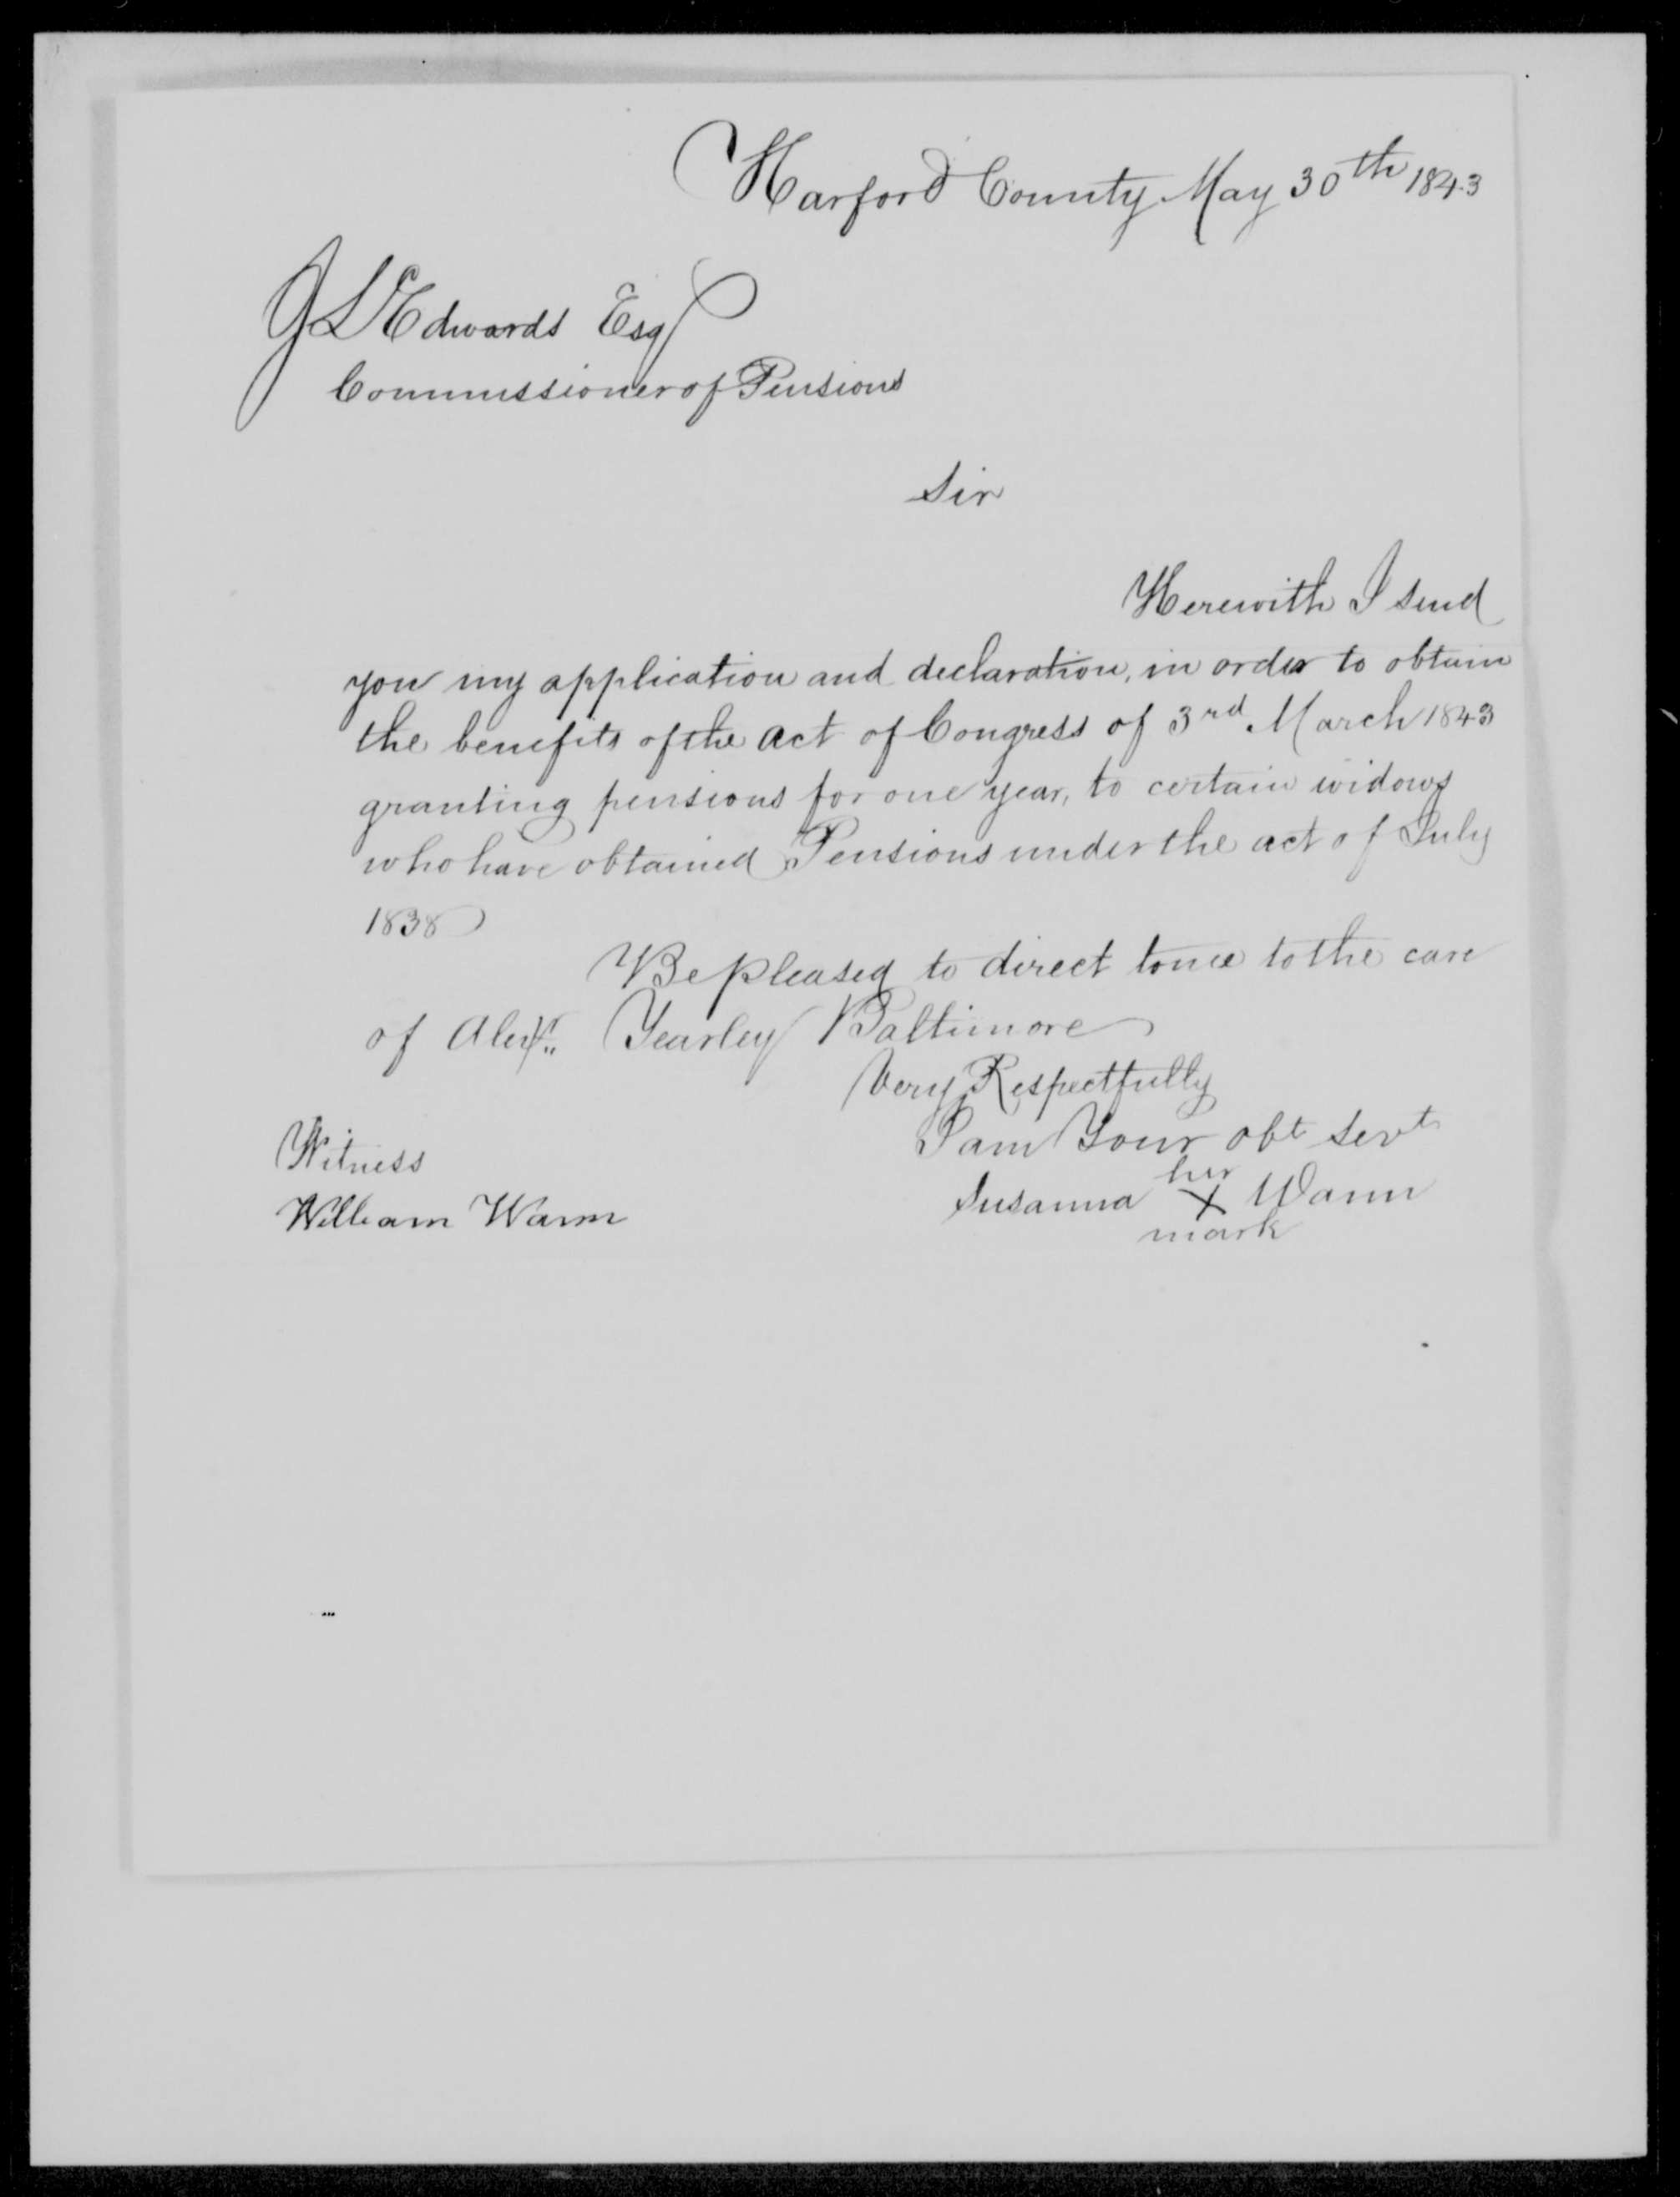Harford County May 30th 1843
J L Edwards Esq
Commissioner of Pensions
Sir
Herewith I send you my application and declaration, in order to obtain the benefits of the act of Congress of 3rd March 1843 granting pensions for one year, to certain widows who have obtained Pensions under the act of July 1838
Be pleased to direct to me to the care of Alexr [Alexander] Yearley Baltimore
Very Respectfully
I am Your obt sevt [obedient servant]
Witness
William Wann
her
Susanna X Wann
mark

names: Susanna Wann, J L Edwards, Alexr Yearley, William Wann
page: 26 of 38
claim: widow's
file: W. 3899, John Wann, Penn.